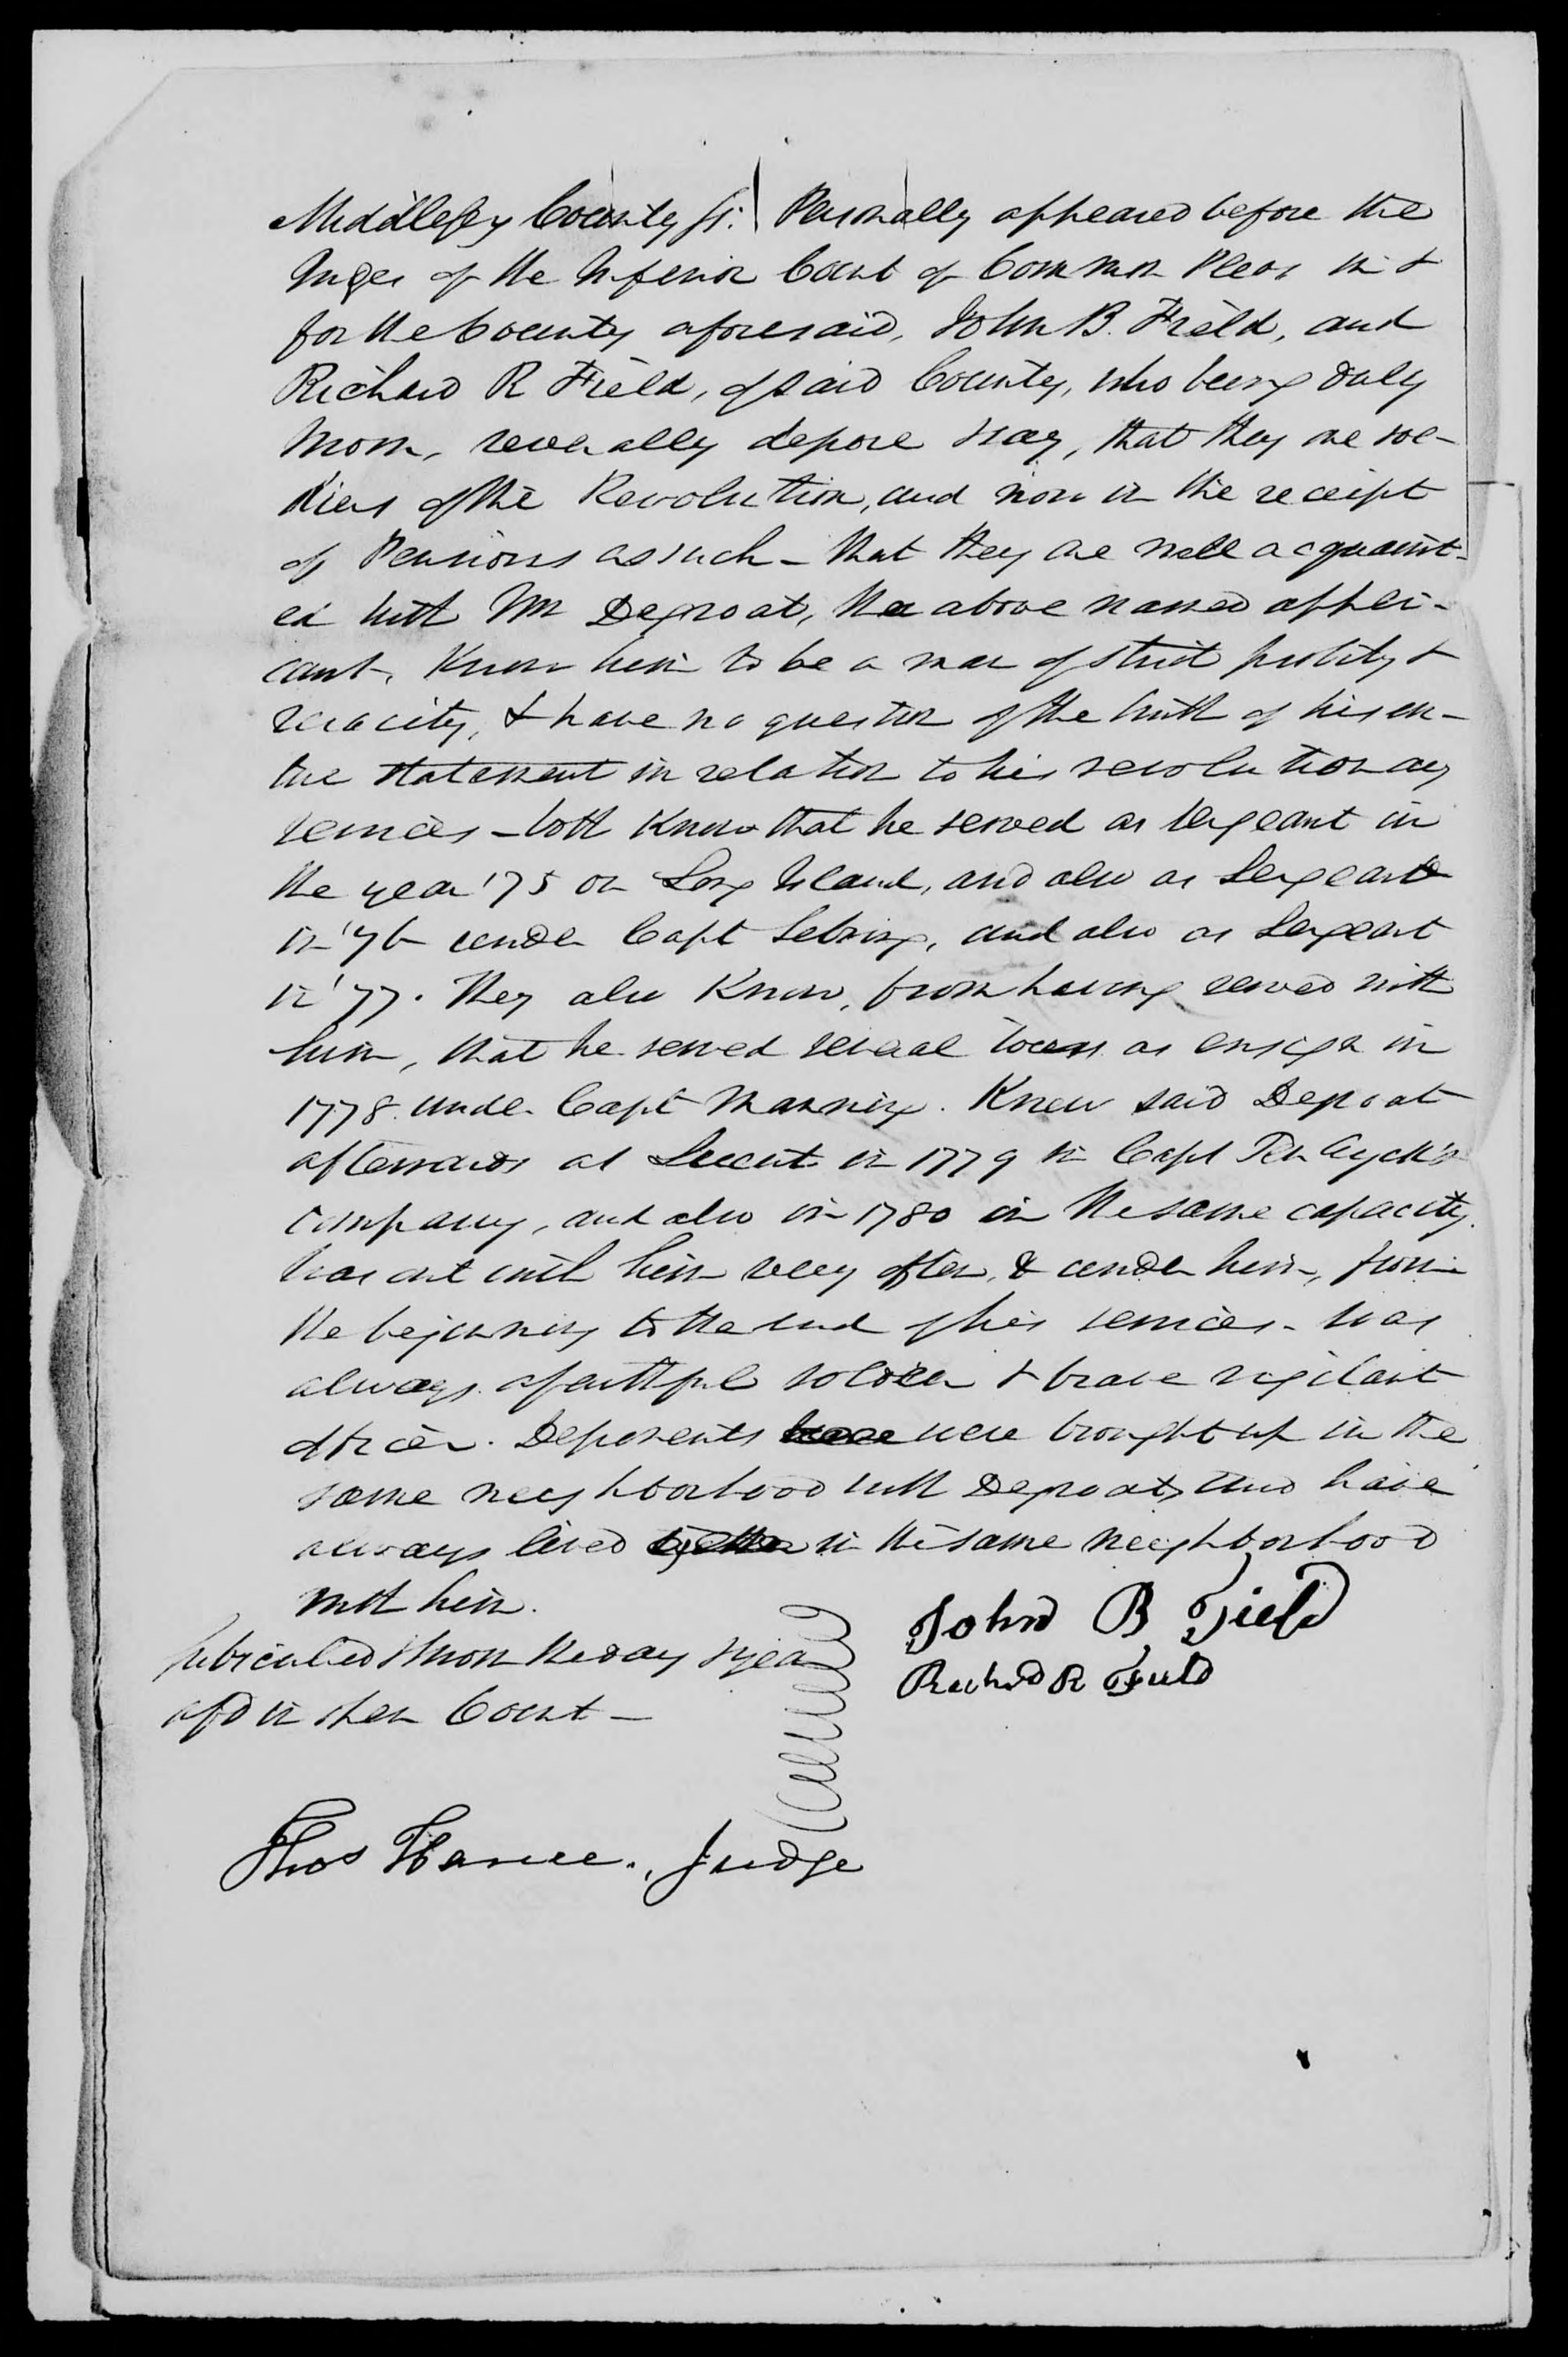Middlesex County ss: ┃
Personally appeared before the Judge of the Inferior Court of Common Pleas in &for the County aforesaid, John B. Field, and Richard R Field, of said County, who being duly sworn, severally depose & say, that they are soldiers
of the Revolution, and now in the receipt
of Pensions as such- That they are well acquainted with Wm Degroot, the above named applicant, and know him to be a man of strict probity & veracity, & have no question of the truth of his entire statement in relation to his revolutionary services- both know that he served as Sergeant in the year 1775 on Long Island, and also as Sergeant in '76 under Capt Sebring, and also as sergeant in '77. They also know, from having served with him, that he served several tours as ensign in 1778 under Capt Manning.  Knew said Degroot afterwards as Lieut. in 1779 in Capt Ten Eyck's company, and also in 1780 in the same capacity. Was out with him very often & under him from the beginning to the end of his services.  Was
always a faithful soldier & brave vigilant officer.  Deponents were brought up in the same
neighborhood with Degroot and have always lived in the same neighborhood with him.
John B Field
Richard R Field

Subscribed & sworn the day year
afsd in open Court-

Thos Hance, Judge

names: John B Field, Richard R Field, Sebring, Degroat, Degroat, Richrd R Field, Thos Hance, John B Field, Manning, Wm Degroat, Ten Eyck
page: 67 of 77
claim: widow's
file: W. 417, William De Groot, New Jersey